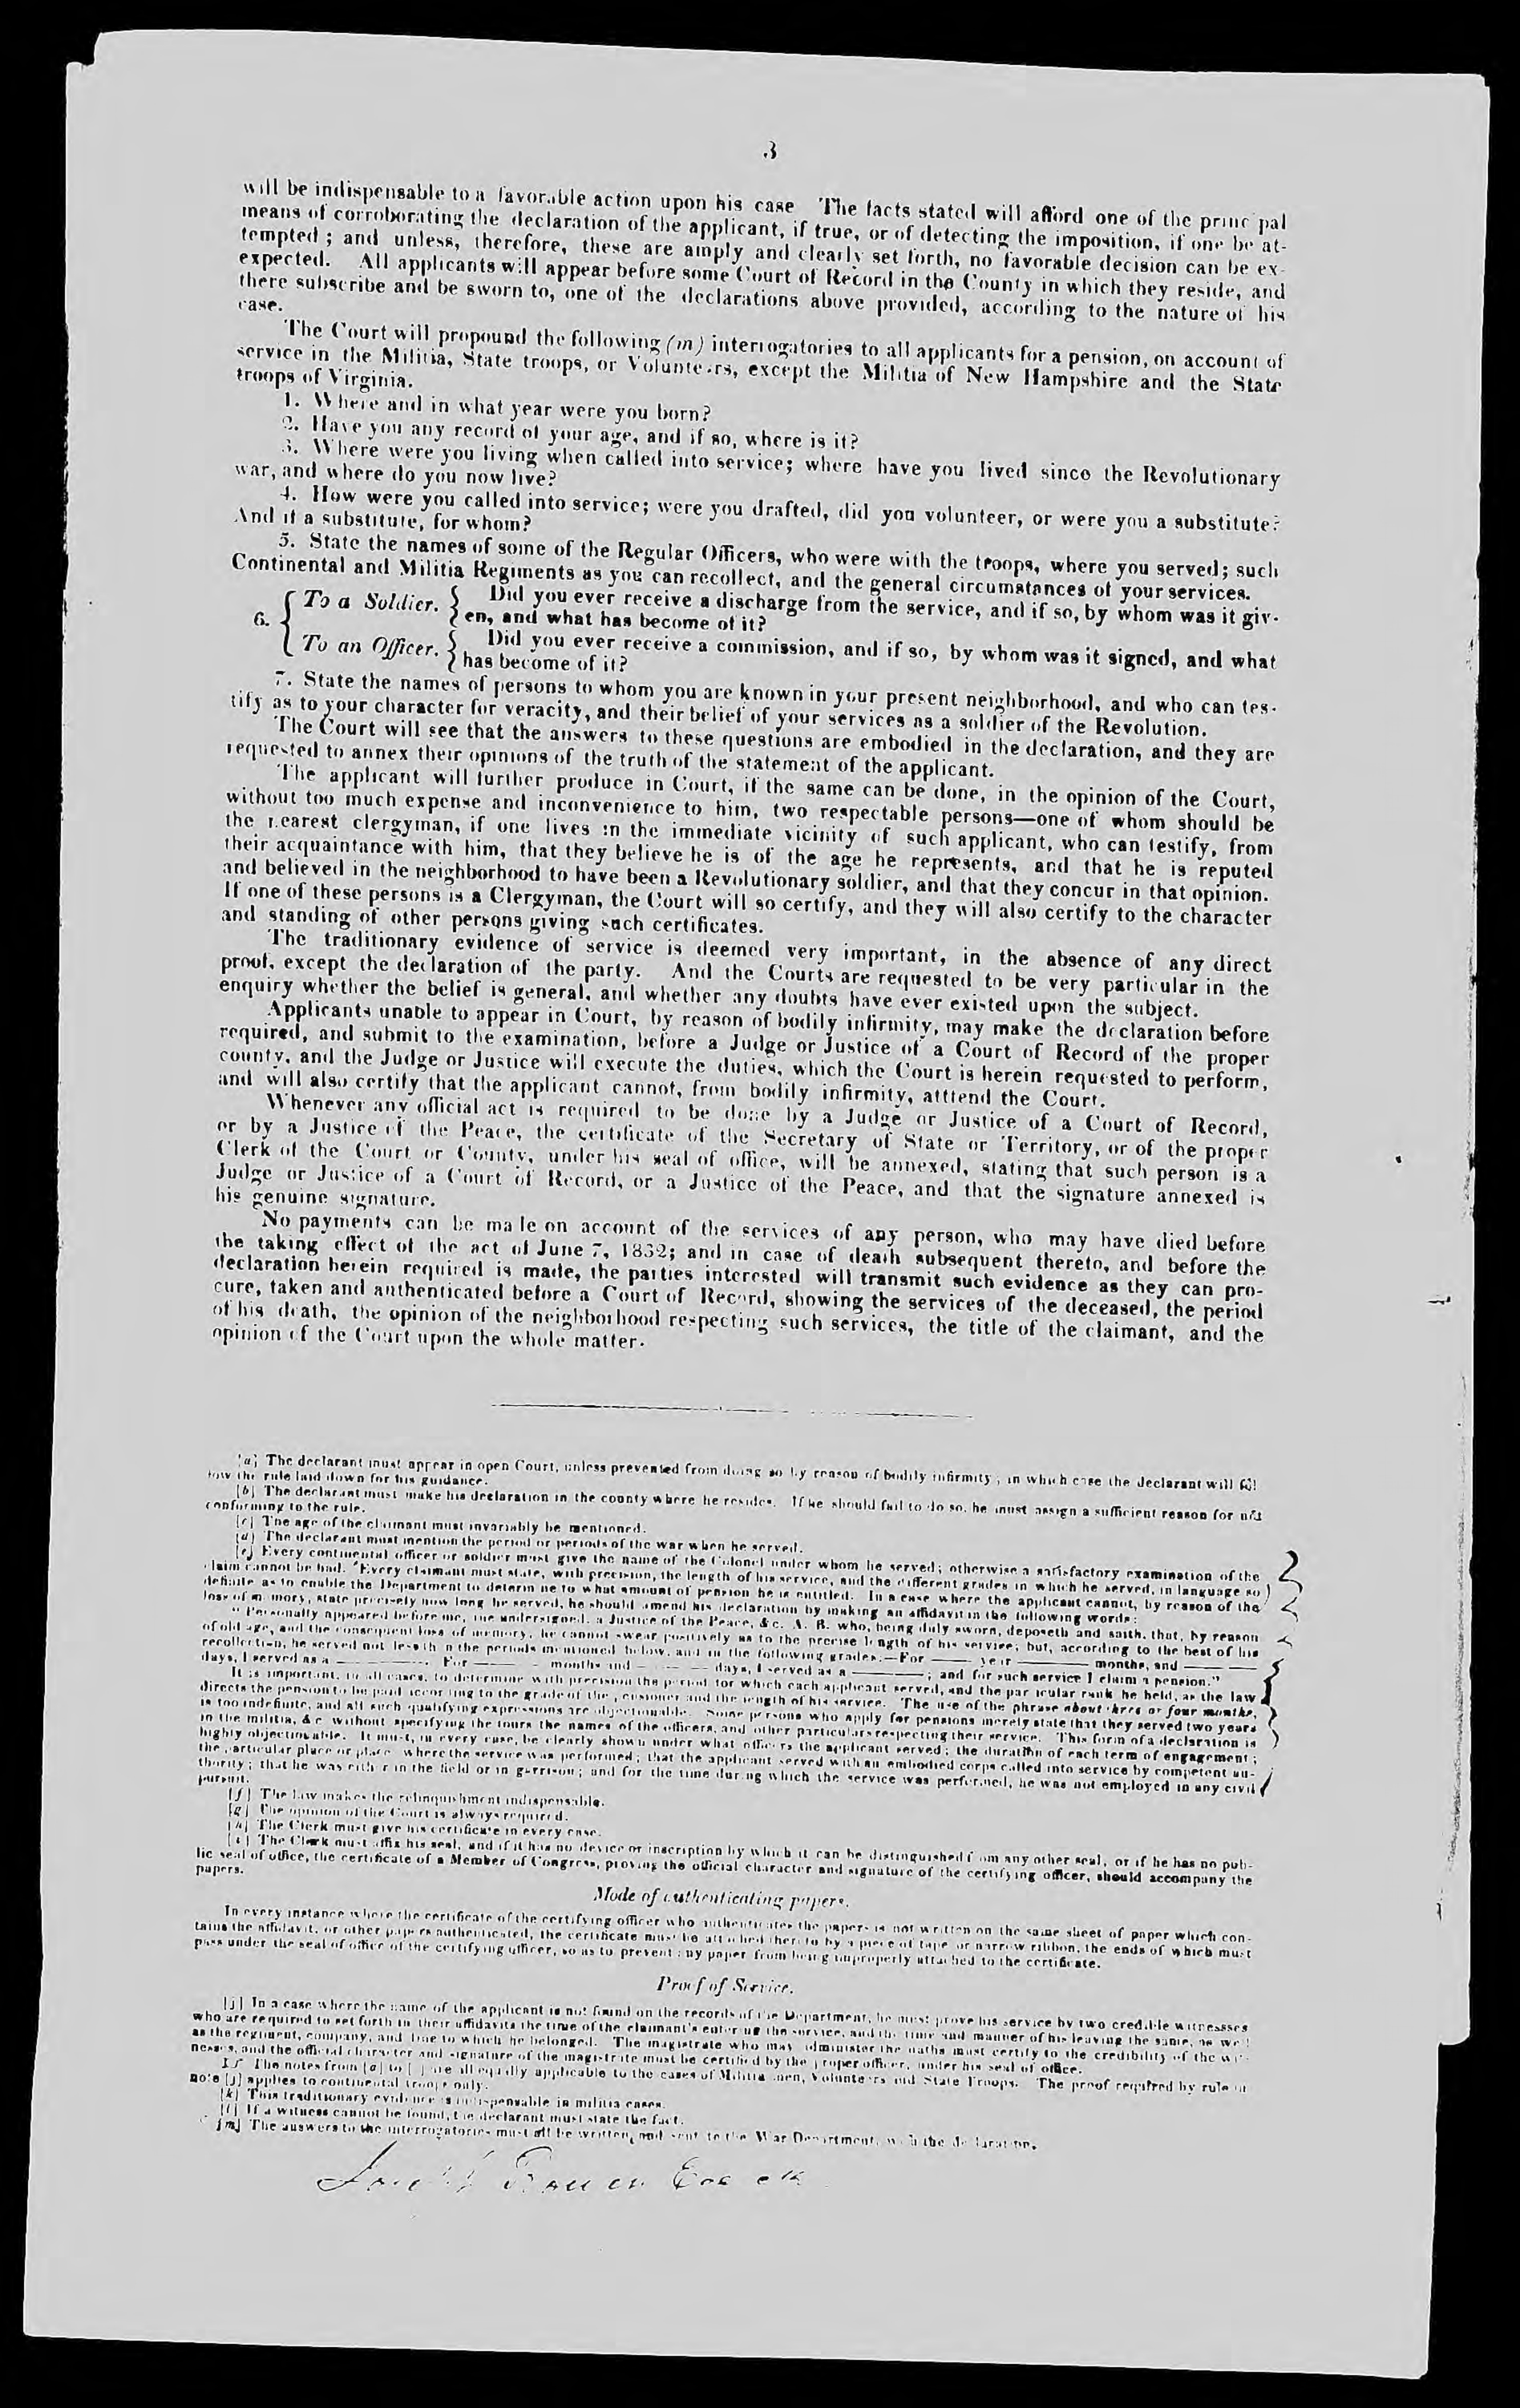[typed form, with handwritten responses]

3
alleged service, as they are known at the Department. A very full account of the services of each person will be indispensable to a favorable action upon his case. The facts stated will afford one of the principal means of corroborating the declaration of the applicant, if true, or of detecting the imposition, if one be attempted; and unless, therefore, these are amply and clearly set forth, no favorable decision can be expected. All applicants will appear before some Court of Record in the County, in which they reside, and there subscribe and be sworn to, one of the declarations above provided, according to the nature of his case. 
The Court will propound the following (m) interrogatories to all applicants for a pension, on account of service in the Militia, State troops, or Volunteers, except the Militia of New Hampshire and the State troops of Virginia. 
1. Where and in what year were you born? 
2. Have you any record of your age, and if so, where is it? 
3. Where were you living when called into service; where have you lived since the Revolutionary war, and where do you now live? 
4. How were you called into service; were you drafted, did you volunteer, or were you a substitute? And if a substitute, for whom? 
5. State the names of some of the Regular Officers, who were with the troops, where you served; such Continental and Militia Regiments as you can recollect, and the general circumstances of your services. 
6. {To a Soldier.} {To an Officer.} Did you ever receive a discharge from the service, and if so, by whom was it given and what has become of it? Did you ever receive a commission, and if so, by whom was it signed, and what has become of it? 
7. State the names of persons to whom you are known in your present neighborhood, and who can testify as to your character for veracity, and their belief of your services as a soldier of the Revolution. 
The Court will see that he answers to these questions are embodied in the declaration, and they are requested to annex their opinions of the truth of the statement of the applicant. The applicant will further produce in Court, if the same can be done, in the opinion of the Court, without too much expense and inconvenience to him, two respectable persons -one of whom should be the nearest clergyman, if one lives in the immediate vicinity of such applicant, who can testify, from their acquaintance with him, that they believe he is of the age he represents, and that he is reputed and believed in the neighborhood to have been a Revolutionary soldier, and that they concur in that opinion. If one of these persons is a Clergyman, the Court will so certify, and they will also certify, to the character and standing of other persons, giving such certificates. 
The traditionary evidence of service is deemed very important, in the absence of any direct proof, except the declaration of the party. And the Courts are requested to be very particular in the enquiry whether the belief is general, and whether any doubts have ever existed upon the subject. 
Applicants unable to appear in Court by reason of bodily infirmity, may make the declaration before required, and submit to the examination, before a Judge or Justice of a Court of Record of the proper county, and the Judge or Justice will execute the duties, which the Court is herein requested to perform, and will also certify that the applicant cannot, from bodily infirmity, attend the Court. 
Whenever any official act is required to be done by a Judge or Justice of a Court of Record, or by a Justice of the peace, the certificate of the Secretary of State or Territory, or of the proper Clerk of the Court or County, under his seal of office, will be annexed, stating that such person is a Judge or Justice of a Court of Record, or a Justice of the Peace, and that the signature annexed is his genuine signature. 
No payments can be made on account of the services of any person, who may have died before the taking effect of the act of June 7, 1832; and in case of death subsequent thereto, and before the declaration herein required is made, the parties interested will trans nit such evidence as they can procure, taken and authenticated before a Court of Record, showing the services of the deceased, the period of his death, the opinion of the neighborhood respecting such services, the title of the claimant, and the opinion of the Court upon the whole matter. 
(a) The declarant must appear in open Court, unless prevented from doing so by reason of bodily infirmity in which case the declarant will follow the rule laid down for his guidance. 
(b) The declarant must make his declaration in the county where he resides. If he should fail to do so, he must assign a sufficient reason for not conforming to the rule. 
(c) The age of the claimant must invariably be mentioned. 
(d) The declarant must mention the period or periods of the war when he served. 
(e) Every continental officer or soldier must give the name of the Colonel under whom he served; otherwise a satisfactory examination of the claim cannot be had. Every claimant must state, with precision, the length of his service, and the different grades in which he served, in language so definite as to enable the Department to determine to what amount of pension he is entitled. ln a case where the applicant cannot, by reason of loss of memory, state precisely how long he served, he should amend his declaration by making an affidavit in the following words : "Personally appeared before me, the undersigned, a Justice of the Peace, &c. A. B. who, being duly sworn, deposeth and saith, that, by reason of old age, and the consequent loss of memory, he cannot swear positively as to the precise length of his service; but, according to the best of his recollection, he served not less than the periods mentioned below, and in the following grades:-For    year    months, and     days, I served as a    . For     months and    days, I served as a     ; and for such service I claim a pension." 
It is important, in all cases, to determine with precision the period for which each applicant served, and the particular rank he held, as the law directs the pension to be paid according to the grade of the pensioner and the length of his service. The use of the phrase about three or four months, is too indefinite, and all such qualifying expressions are objectionable. Some persons who apply for pensions merely state that they served two years in the militia, &c without specifying the tours, the names of the officers and other particulars respecting their service. This form of a declaration is highly objectionable. It must, in every case, be clearly shown under what officers the applicant served: the duration of each term of engagement; the particular place or places where the service was performed; that the applicant served with an embodied corps called into service by competent authority; that he was either in the field or in garrison; and for the time during which the service was performed, he was not employed in any civil pursuit. 

Lou N. Drury, Esq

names: Lou N Drury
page: 15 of 27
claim: rejected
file: R. 5006, Richard Hill, N.C.